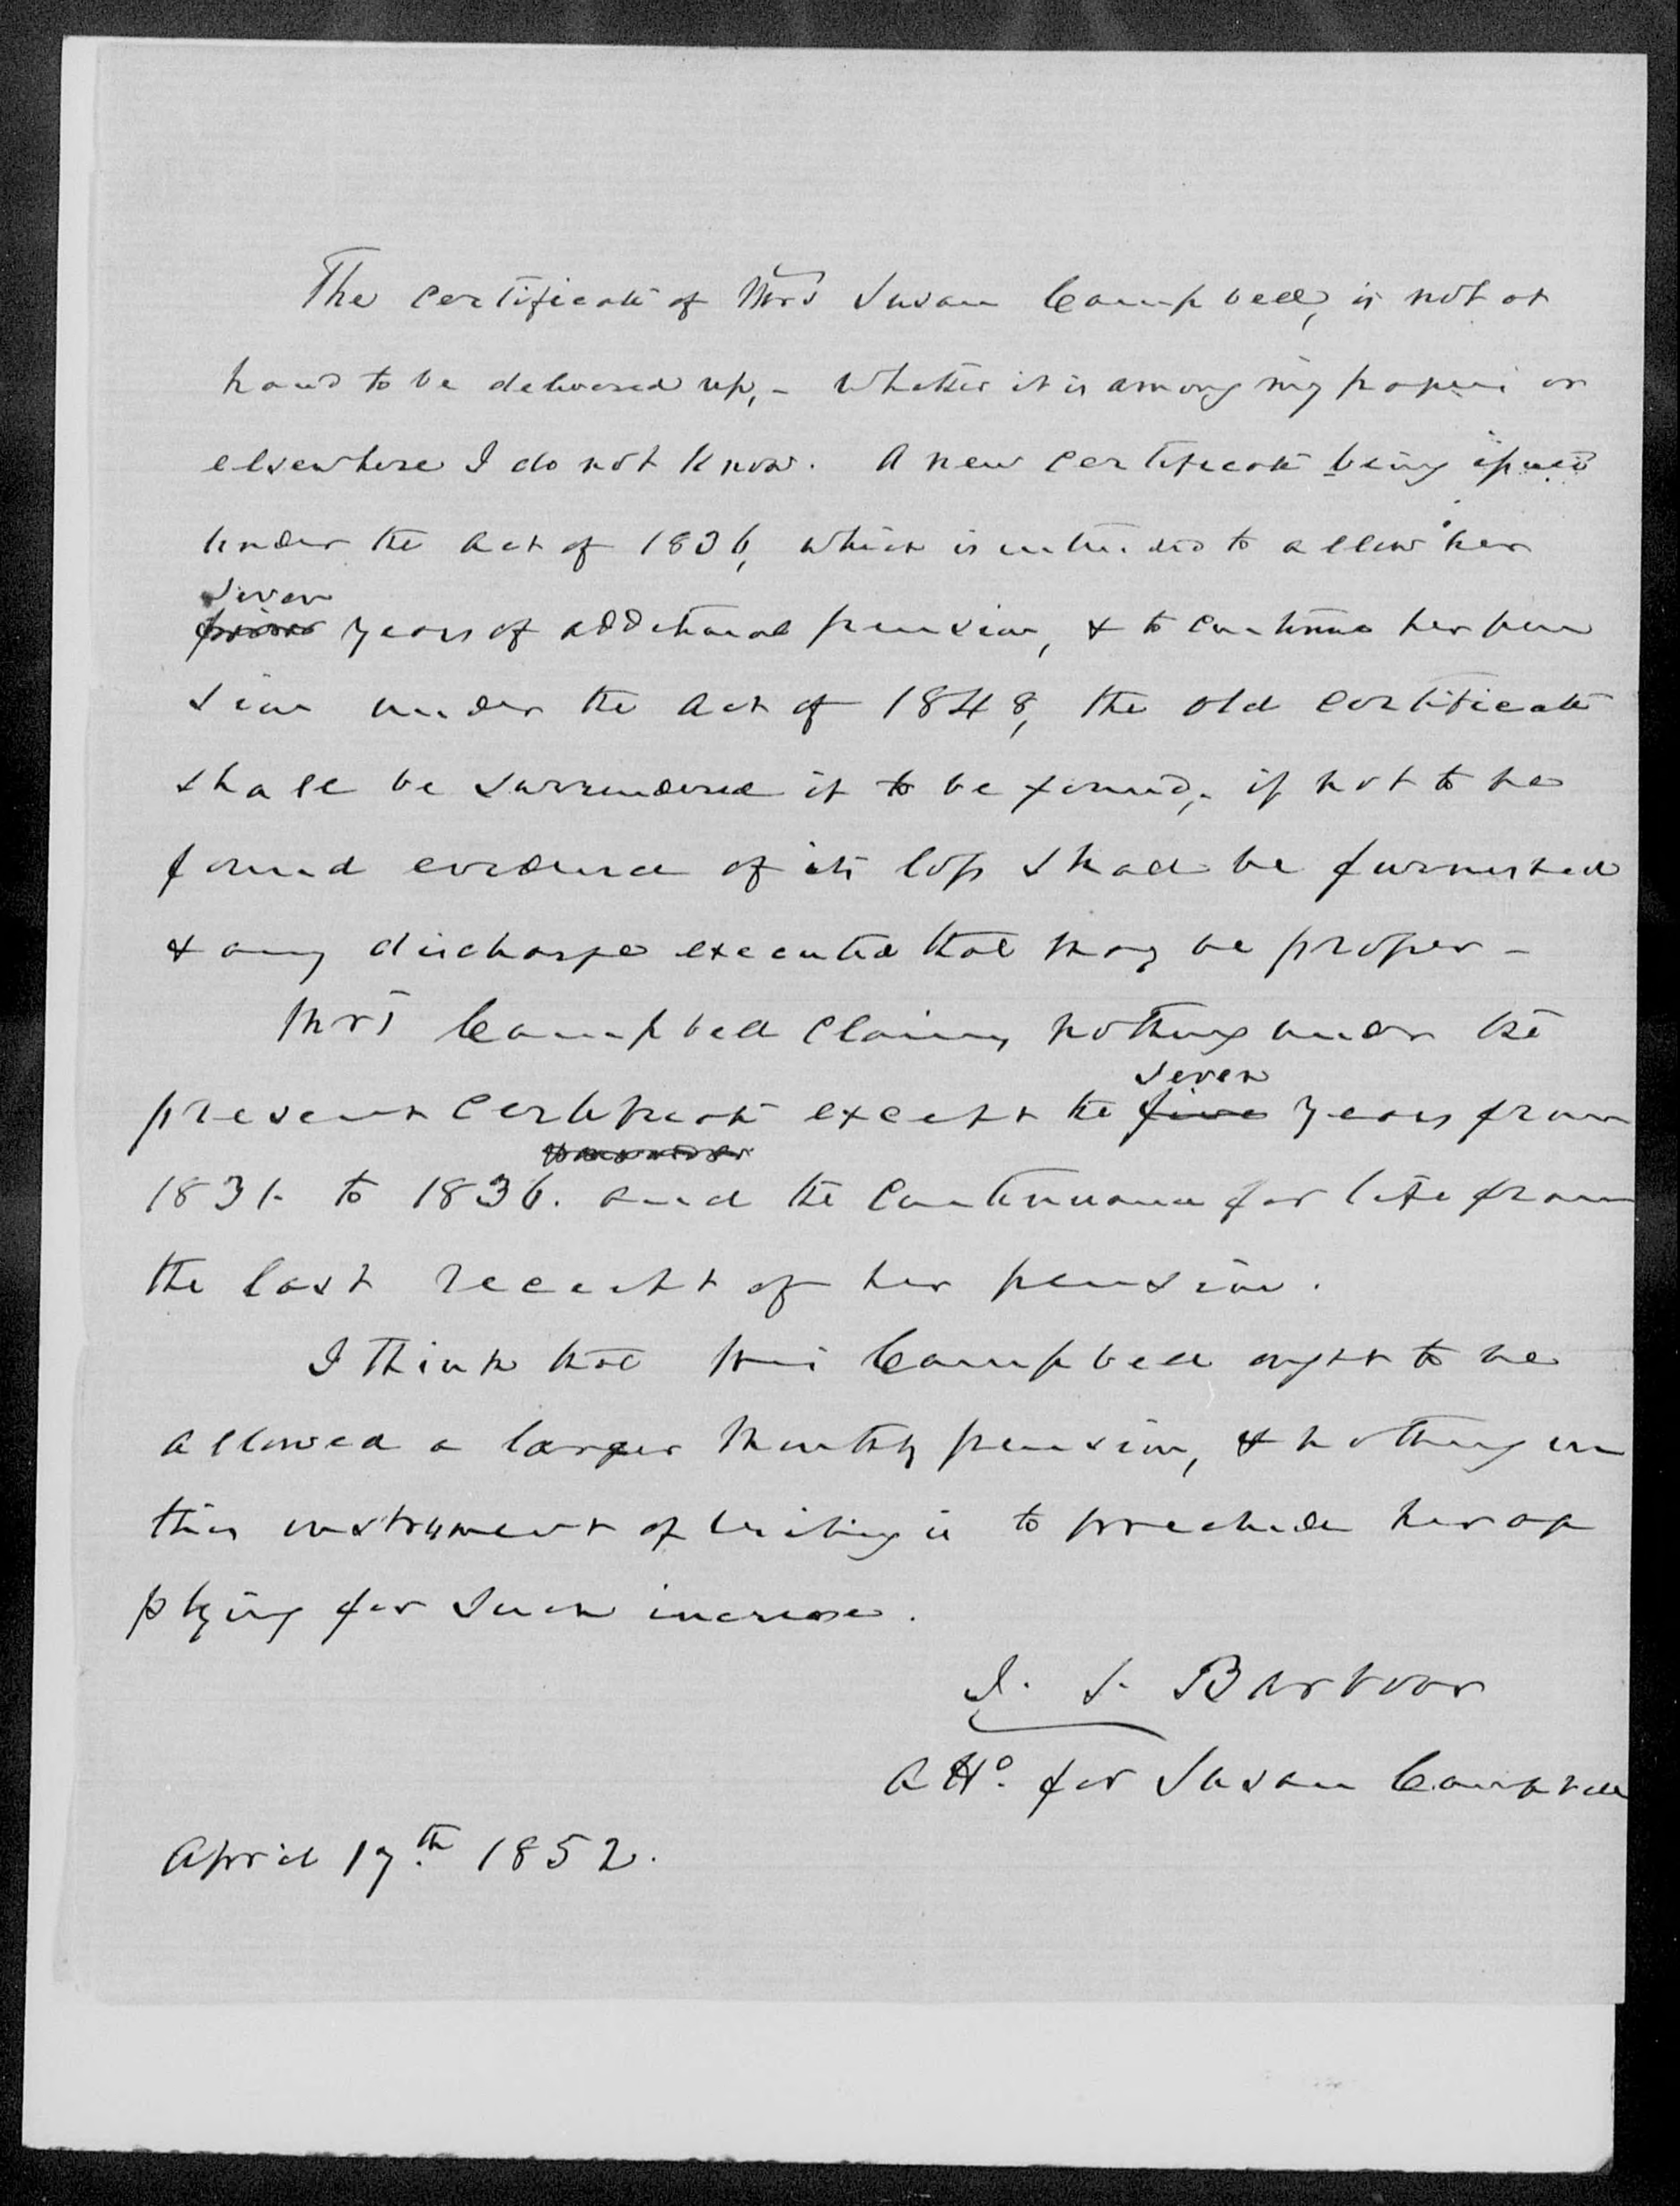The certificate of Mrs Susan Campbell, is not at hand to be delivered up, -- Whether it is among my papers or elsewhere I do not know.  A new certificate being issued under the Act of 1836, which is intended to allow her Seven years of additional pension, +[and] to continue her pension under the Act of 1848, the old certificate shall be surrendered if to be found, if not to be found evidence of its loss shall be furnished +[and] any discharge executed that may be proper. __
Mrs Campbell claims nothing under the previous certificate except the [cross out] five [end cross out] [Insert] Seven [end insert] years from 1831. to 1836. [cross out illegible words] and the Continuance for life from the last receipt of her pension.
I think that Mrs. Campbell ought to be allowed a larger Monthly pension, +[and] nothing in this instrument of writing is to preclude her of plying for Such increase.
J. S. Barbout
Atto. for Susan Campbell 
April 17th. 1852.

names: J S Barbour, Susan Campbell, Susan Campbell, Campbell, Campbell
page: 211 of 267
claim: widow's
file: W. 4,149, William Campbell, Va.